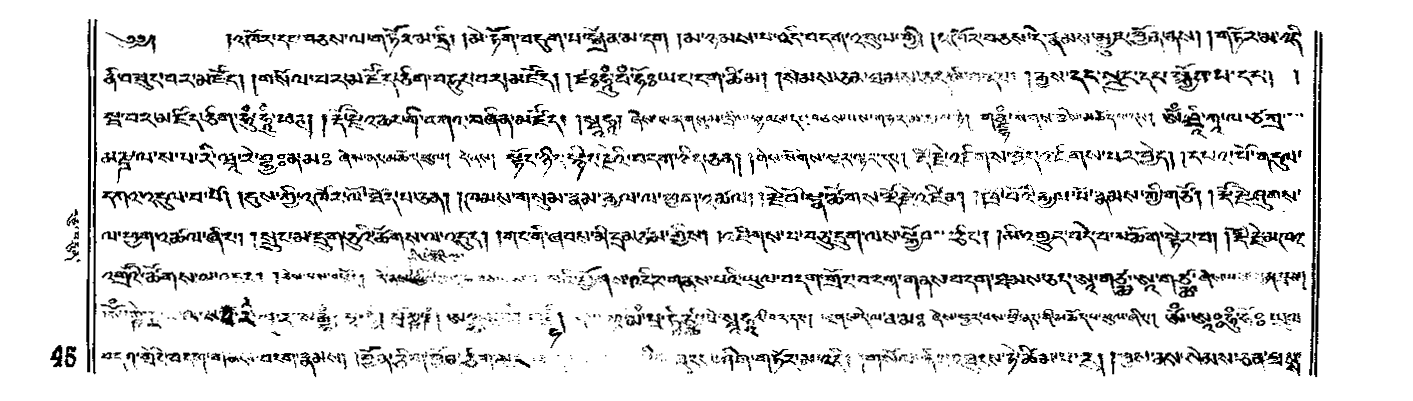༄༅། །འཁོར་དང་བཅས་ལ་གཏོར་མ་དྲི། །མེ་ཏོག་བདུག་པ་སྒྲོན་མ་དག །མ་ཉམས་པ་འདི་བདག་འབུལ་གྱི། །འཁོར་བཅས་དེ་རྣམ་མྱུར་བྱོན་ནས། །གཏོར་མ་འདི་
ནི་བཟུང་བར་མཛོད། །གསོལ་བར་མཛོད་ཅིག་བཏུང་བར། མཛོད། །ཛཿ ཧཱུཾ་པཾ་ཧོཿ ཡང་དག་ཚིམ། །སེམས་ཅན་ཐམས་ཅད་ཞི་བ་དང་། །རྒྱས་དང་སྲུང་དང་སྐྱོབ་པ་དང་། །
སྤ་བར་མཛོད་ཅིག་ཧུཾ་ཧཱུཾ་ཕཊ། །རྡོ་རྗེ་འཆང་གི་བཀའ་བཞིན་མཛོད། །སྭཱཧཱ། ཞེས་ལན་གསུམ་དྲིལ་སྟབས་དང་བཅས་པས་གཏོར་མ་ཕུལ་ཏེ། གནྡྷཾ་སོགས་ཀྱིས་མཆོད་པ་དང་།  ཨོཾ་ཤྲཱི་ཀཱ་ལ་ཙཀྲ་
མཎྜལ་ས་པ་རི་ཝཱ་རེ་བྷྱཿ ན་མཿ ཞེས་ནང་མཆོད་ཕུལ། དེ་ནས།  སྟོང་ཉིད་སྙིང་རྗེའི་བདག་ཉིད་ཅན། ། གེས་སོགས་སྔར་ལྟར་དང་།  རྡོ་རྗེ་འཛགས་བྱེད་འཛགས་པར་བྱེད། །དཔལ་པོ་གདུལ་
དཀའ་འདུལ་བ་པོ། །དུས་ཀྱི་འཁོར་ལོ་ཐོད་པ་ཅན། །ཁམས་གསུམ་རྣམ་རྒྱལ་ལ་ཕྱག་འཚལ། །རྗེ་བོ་སྣ་ཚོགས་རྡོ་རྗེ་འཛིན། །ཁྲོ་བོའི་རྒྱལ་བོ་རྣམས་ཀྱི་གཙོ། །རྡོ་རྗེ་ཤུགས་
ལ་ཕྱག་འཚལ་ཞི་པ། །སྲུང་མ་དྲུག་ཅུའི་ཚོགས་ལ་འདུད། །གང་གི་ཞབས་མི་དྲམ་ཙམ་གྱིས། །འཇིགས་པ་བཅུ་དྲུག་ལས་སྐྱོབ་ཙང་། །མི་འགྱུར་བདེ་པ་མཆོག་སྟེར་བ། །རྡོ་རྗེ་མཁའ་
འགྲོའི་ཚོགས་ལ་འདུར?། ། ཅེས་པས་བསྙོད?། དེ་ནས་ཀྱིའི་ཕྱག་ཆ?་བཅས་ནས།  སའི་ཕྱོགས་འདིར་གནས་པའི་ཡུལ་བདག་གྲོང་བདག་གནས་བདག་ཐམས་ཅད་ཨཱ་གཙྪ་ཨཱ་གཙྪ་ཞེས་པས་སྤྱན་དྲངས།
ཨོཾ་ཀྵེ་ཏྲ?་པ་ལ་ས་ཕེ?་རི་ལཱ་ར་ཨརྒྷཾ། པཱ་དྱཾ། པྲོཀྵ་ཎཾ། ཨཉྩ་ལཱ་མི?། གནྡྷཾ། ནས་ཀྭ་མེཾ་པྲ་ཏཱིཙྪ་ཡེ་སྭཱཧཱ་འི་བར་དང་། སྔགས་དེ་ལ་ན་མཿ ཞེས་སྦྱར་བས་ཕྱི་ནང་གི་མཆོད་པ་ཕུལ་ཞིང་།  ཨོཾ་ཨཱཿ ཧུཾ་ཧོཿ ཡུལ་
བདག་གྲོད་བདག་གནས་བདག་རྣམས། །བྱོན་ཅིག་བྱོན་ཅིག་མྱུར་བ་དུ། ?་ཤིག་ཟུངས་ཤིག་གཏོར་མ་འདི། །གསོལ་ཞིང་འཐུངས་ཏེ་ཚིམ་པ་རུ། །བྱས་ནས་སེམས་ཅན་ཐམས་